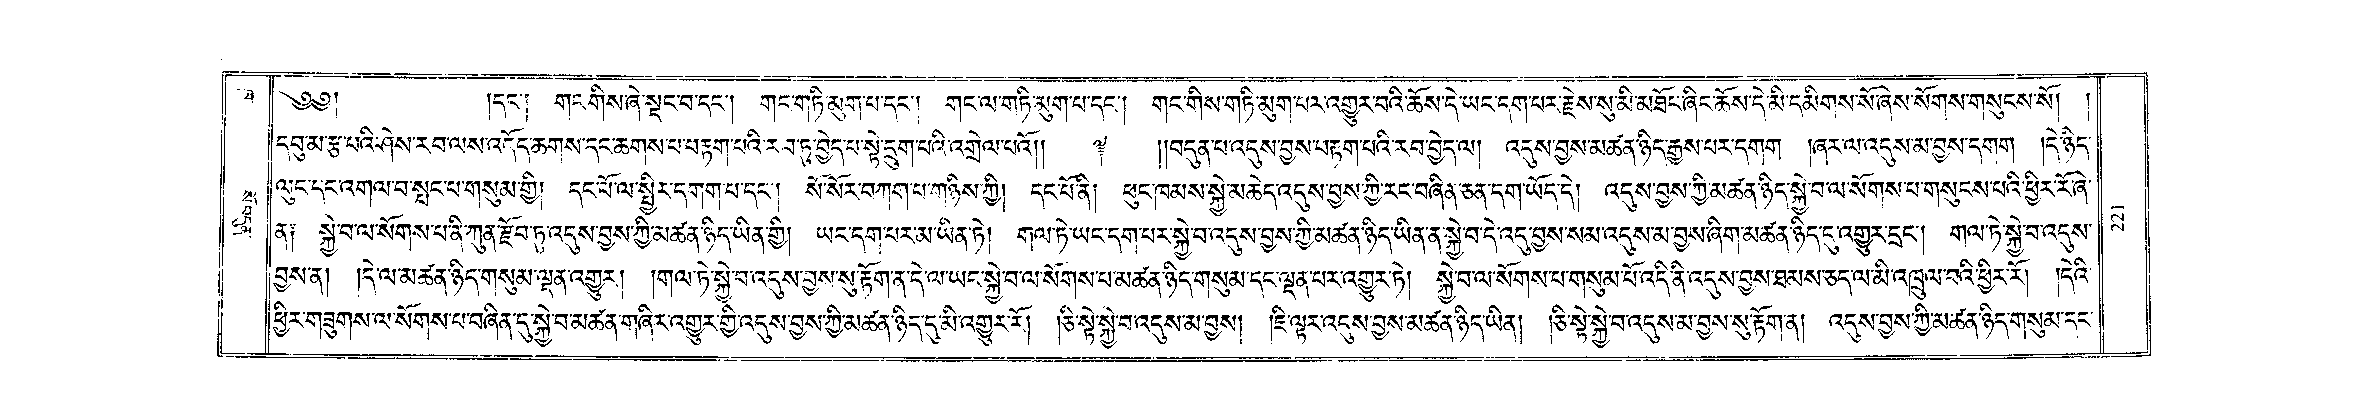༄༅། །དང་། གང་གིས་ཞེ་སྡང་བ་དང་། གང་གཏི་མུག་པ་དང་། གང་ལ་གཏི་མུག་པ་དང་། གང་གིས་གཏི་མུག་པར་འགྱུར་བའི་ཆོས་དེ་ཡང་དག་པར་རྗེས་སུ་མི་མཐོང་ཞིང་ཆོས་དེ་མི་དམིགས་སོ་ཞེས་སོགས་གསུངས་སོ། །
དབུ་མ་རྩ་པའི་ཤེས་རབ་ལས་འདོད་ཆགས་དང་ཆགས་པ་བརྟག་པའི་རབ་ཏུ་བྱེད་པ་སྟེ་དྲུག་པའི་འགྲེལ་པའོ།། ༈ །།བདུན་པ་འདུས་བྱས་པ་རྟག་པའི་རབ་བྱེད་ལ། འདུས་བྱས་མཚན་ཉིད་རྒྱས་པར་དགག །ཞར་ལ་འདུས་མ་བྱས་དགག །དེ་ཉིད་
ལུང་དང་འགལ་བ་སྤང་པ་གསུམ་གྱི། དང་པོ་ལ་སྤྱིར་དགག་པ་དང་། སོ་སོར་བཀག་པ་གཉིས་ཀྱི། དང་པོ་ནི། ཕུང་ཁམས་སྐྱེ་མཆེད་འདུས་བྱས་ཀྱི་རང་བཞིན་ཅན་དག་ཡོད་དེ། འདུས་བྱས་ཀྱི་མཚན་ཉིད་སྐྱེ་བ་ལ་སོགས་པ་གསུངས་པའི་ཕྱིར་རོ་ཞེ་
ན༑ སྐྱེ་བ་ལ་སོགས་པ་ནི་ཀུན་རྫོབ་ཏུ་འདུས་བྱས་ཀྱི་མཚན་ཉིད་ཡིན་གྱི། ཡང་དག་པར་མ་ཡིན་ཏེ། གལ་ཏེ་ཡང་དག་པར་སྐྱེ་བ་འདུས་བྱས་ཀྱི་མཚན་ཉིད་ཡིན་ན་སྐྱེ་བ་དེ་འདུ་བྱས་སམ་འདུས་མ་བྱས་ཞིག་མཚན་ཉིད་དུ་འགྱུར་དྲང་། གལ་ཏེ་སྐྱེ་བ་འདུས་
བྱས་ན། །དེ་ལ་མཚན་ཉིད་གསུམ་ལྡན་འགྱུར། །གལ་ཏེ་སྐྱེ་བ་འདུས་བྱས་སུ་རྟོག་ན་དེ་ལ་ཡང་སྐྱེ་བ་ལ་སོགས་པ་མཚན་ཉིད་གསུམ་དང་ལྡན་པར་འགྱུར་ཏེ། སྐྱེ་བ་ལ་སོགས་པ་གསུམ་པོ་འདི་ནི་འདུས་བྱས་ཐམས་ཅད་ལ་མི་འཁྲུལ་བའི་ཕྱིར་རོ། །དེའི་
ཕྱིར་གཟུགས་ལ་སོགས་པ་བཞིན་དུ་སྐྱེ་བ་མཚན་གཞིར་འགྱུར་གྱི་འདུས་བྱས་ཀྱི་མཚན་ཉིད་དུ་མི་འགྱུར་རོ། །ཅི་སྟེ་སྐྱེ་བ་འདུས་མ་བྱས། །ཇི་ལྟར་འདུས་བྱས་མཚན་ཉིད་ཡིན། །ཅི་སྟེ་སྐྱེ་བ་འདུས་མ་བྱས་སུ་རྟོག་ན། འདུས་བྱས་ཀྱི་མཚན་ཉིད་གསུམ་དང་